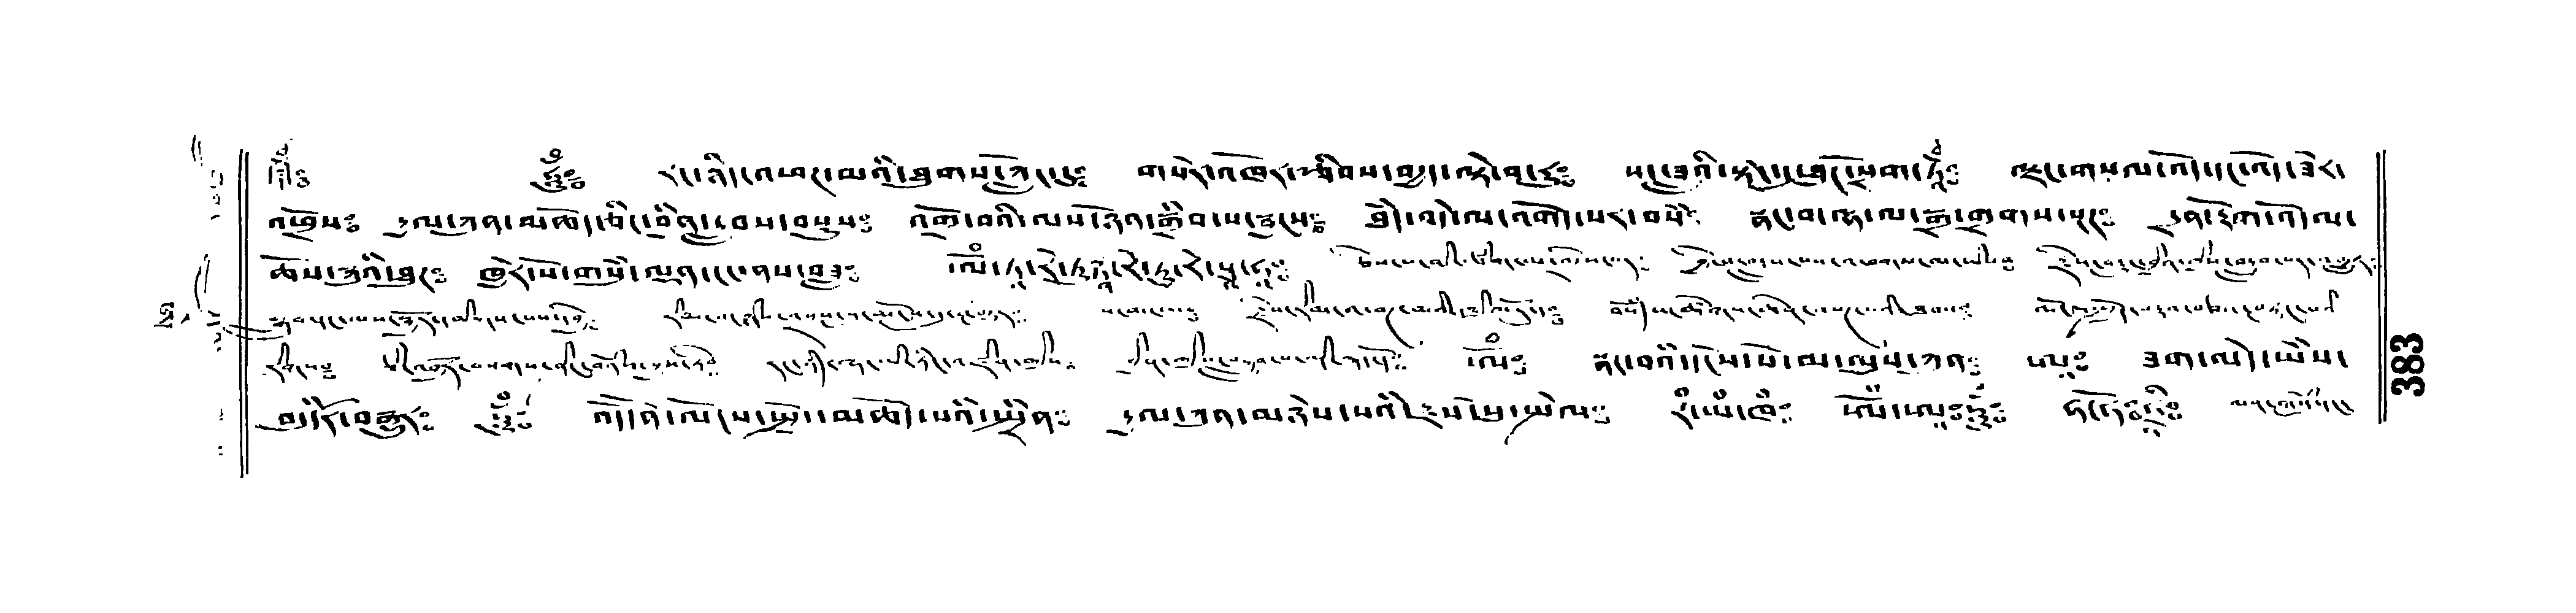ཧཱུྃ༔ རང་ཉིད་འཕགས་མའི་ཐུགས་ཀློང་དུ༔ གསེར་འཁོར་རྩིབས་བརྒྱད་ལྟེ་བ་རུ༔ པད་ཟླའི་སྟེང་དུ་ཐུགས་སྲོག་ཏཱྃ༔ ལྗང་གསལ་འོད་དང་འོད་ཟེར་
འཕྲོས༔ རྒྱལ་ཀུན་མཆོད་ཅིང་བྱིན་རླབས་བསྡུས༔ འགྲོ་བའི་ལས་ཉོན་སྒྲིབ་པ་སྦྱངས༔ ཐམས་ཅད་བདེ་ལ་འགོད་པར་བསམ༔ སྣང་བ་ལྷ་ལ་སྒྲ་གྲགས་སྔགས༔ དྲན་རྟོག་འོད་གསལ་
ཆོས་སྐུའི་ཐུགས༔ ཁྱེར་སོ་གསུམ་ལྡན་ངང་ནས་བཟླ༔ ཨོཾ་ཏཱ་རེ་ཏུཏྟཱ་རེ་ཏུ་རེ་སྭཱ་ཧཱ༔ ཅེས་པ་མི་ཚིག་མ་འདྲེས་པར༔ བྱེ་པ་བཟླས་པས་འཕགས་མ་ཡིས༔ རྗེས་བཟུང་བྱིན་གྱིས་རློབ་པར་འགྱུར༔ 
སྒྲུབ་དང་ལས་སྦྱོར་དམིགས་པས་དབྱེ༔ རིམ་གཉིས་འབྲས་བུ་མངོན་དུ་འགྱུར༔ ས་མ་ཡ༔ རྗེས་རིམ་འཕགས་མའི་དཀྱིལ་འཁོར་དུ༔ བསོད་ནམས་ཚོགས་ཆེན་བསོག་པའི་ཐབས༔ ལོངས་སྤྱོད་བཟའ་བཅའ་བཏུང་པའི་
རིགས༔ཅི་འབྱོར་བསགས་ཤིང་བཤམས་བྱས་ཏེ༔ རང་ཉིད་ལྷ་ཡི་ཏིང་འཛིན་གྱིས༔ བྱིན་གྱིས་བརླབ་པ་འདི་སྐད་དོ༔ ཨོཾ༔ སྣང་བའི་དངོས་པོ་མ་ལུས་ཀུན༔ ཨཱཿ ཟག་མེད་ཡེ་ཤེས་
བདུད་རྩིར་བསྒྱུར༔ ཧཱུྃ༔ འདོད་ཡོན་ལོངས་སྤྱོད་མཆོད་པའི་སྤྲིན༔ རྒྱལ་ཀུན་མཉེས་པའི་རྫས་སུ་སྤེལ༔ རྃ་ཡྃ་ཁྃཿ ཨོཾ་ཨཱཿཧཱུྃ༔ ཧ་ཧོཿཧྲཱིཿ ལན་གསུམ་དང༔